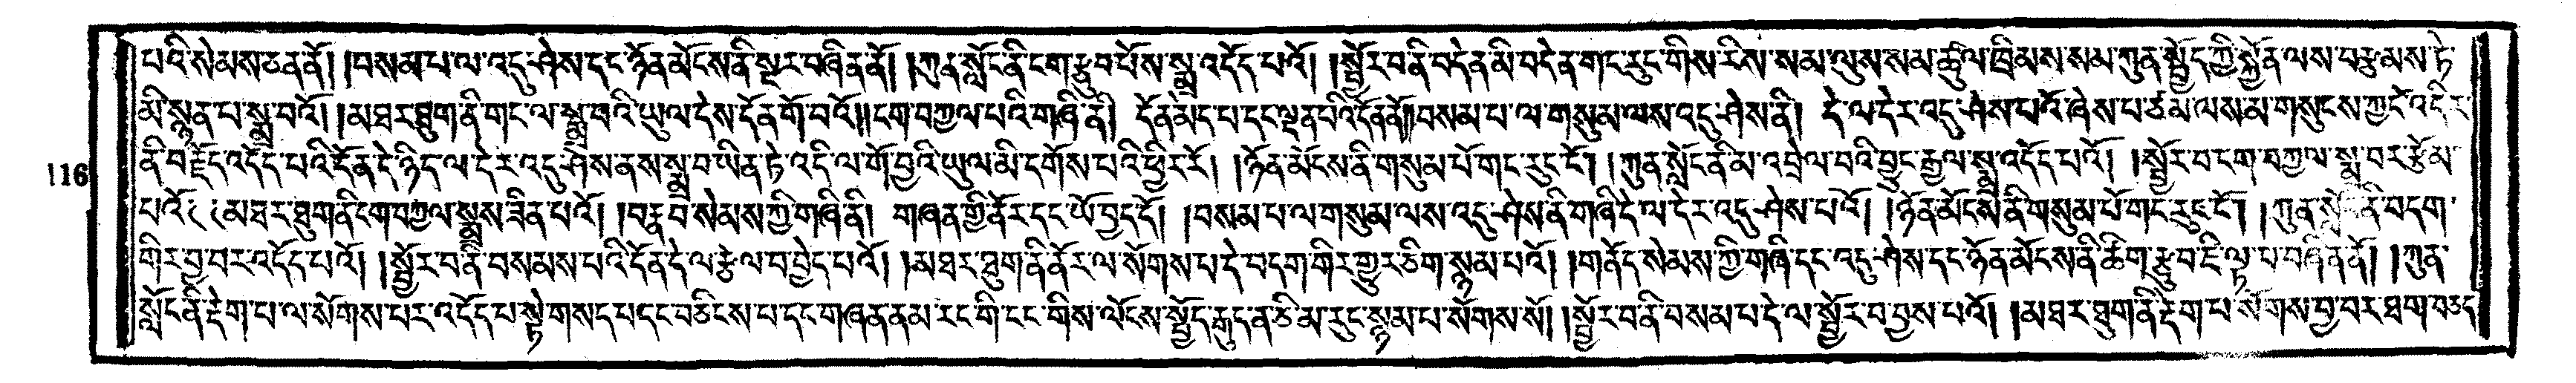པའི་སེམས་ཅན་ནོ། །བསམ་པ་ལ་འདུ་ཤེས་དང་ཉོན་མོངས་ནི་སྔར་བཞིན་ནོ། །ཀུན་སློང་ནི་ངག་རྩུབ་པོས་སྨྲ་འདོད་པའོ། །སྦྱོར་བ་ནི་བདེན་མི་བདེན་གང་རུང་གིས་རིས་སམ་ལུས་སམ་ཚུལ་ཁྲིམས་སམ་ཀུན་སྦྱོད་ཀྱི་སྐྱོན་ལས་བརྩམས་ཏེ་
མི་སྙན་པ་སྨྲ་བའོ། །མཐར་ཐུག་ནི་གང་ལ་སྨྲ་བའི་ཡུལ་དེས་དོན་གོ་བའོ། །ངག་བཀྱལ་པའི་གཞི་ནི། དོན་མེད་པ་དང་ལྡན་པའི་དོན་ནོ། །བསམ་པ་ལ་གསུམ་ལས་འདུ་ཤེས་ནི། དེ་ལ་དེར་འདུ་ཤེས་པའོ་ཞེས་པ་ཙམ་ལས་མ་གསུངས་ཀྱ་ངོ་འདིར་
ནི་བརྗོད་འདོད་པའི་དོན་དེ་ཉིད་ལ་དེར་འདུ་ཤེས་ནས་སྨྲ་བ་ཡིན་ཏེ་འདི་ལ་གོ་བྱའི་ཡུལ་མི་དགོས་པའི་ཕྱིར་རོ། །ཉོན་མོངས་ནི་གསུམ་པོ་གང་རུང་ངོ ། །ཀུན་སློང་ནི་མ་འབྲེལ་བའི་བྱུང་རྒྱལ་སྨྲ་འདོད་པའོ། །སྦྱོར་བ་ངག་བཀྱལ་སྨྲ་བར་རྩོམ་
པའོ༑ ༑མཐར་ཐུག་ནི་ངག་བཀྱལ་སྨྲས་ཟིན་པའོ། །བརྣབ་སེམས་ཀྱི་གཞི་ནི། གཞན་གྱི་ནོར་དང་ཡོ་བྱད་དོ། །བསམ་པ་ལ་གསུམ་ལས་འདུ་ཤེས་ནི་གཞི་དེ་ལ་དེར་འདུ་ཤེས་པའོ། །ཉོན་མོངས་ནི་གསུམ་པོ་གང་རུང་ངོ ། །ཀུན་སློང་ནི་བདག་
གིར་བྱ་བར་འདོད་པའོ། །སྦྱོར་བ་ནི་བསམས་པའི་དོན་དེ་ལ་རྩེལ་བ་བྱེད་པའོ། །མཐར་ཐུག་ནི་ནོར་ལ་སོགས་པ་དེ་བདག་གིར་གྱུར་ཅིག་སྙམ་པའོ། །གནོད་སེམས་ཀྱི་གཞི་དང་འདུ་ཤེས་དང་ཉོན་མོངས་ནི་ཚིག་རྩུབ་བ་ཇི་ལྟ་བ་བཞིན་ནོ། །ཀུན་
སློང་ནི་རྡེག་པ་ལ་སོགས་པར་འདོད་པ་སྟེ་གསད་པ་དང་བཅིངས་པ་དང་གཞན་ནམ་རང་གི་ངང་གིས་ལོངས་སྦྱོད་རྒུད་ན་ཅི་མ་རུང་སྙམ་པ་སོགས་སོ། །སྦྱོར་བ་ནི་བསམ་པ་དེ་ལ་སྦྱོར་བ་བྱས་པའོ། །མཐར་ཐུག་ནི་རྡེག་པ་སོགས་བྱ་བར་ཐག་བཅད་